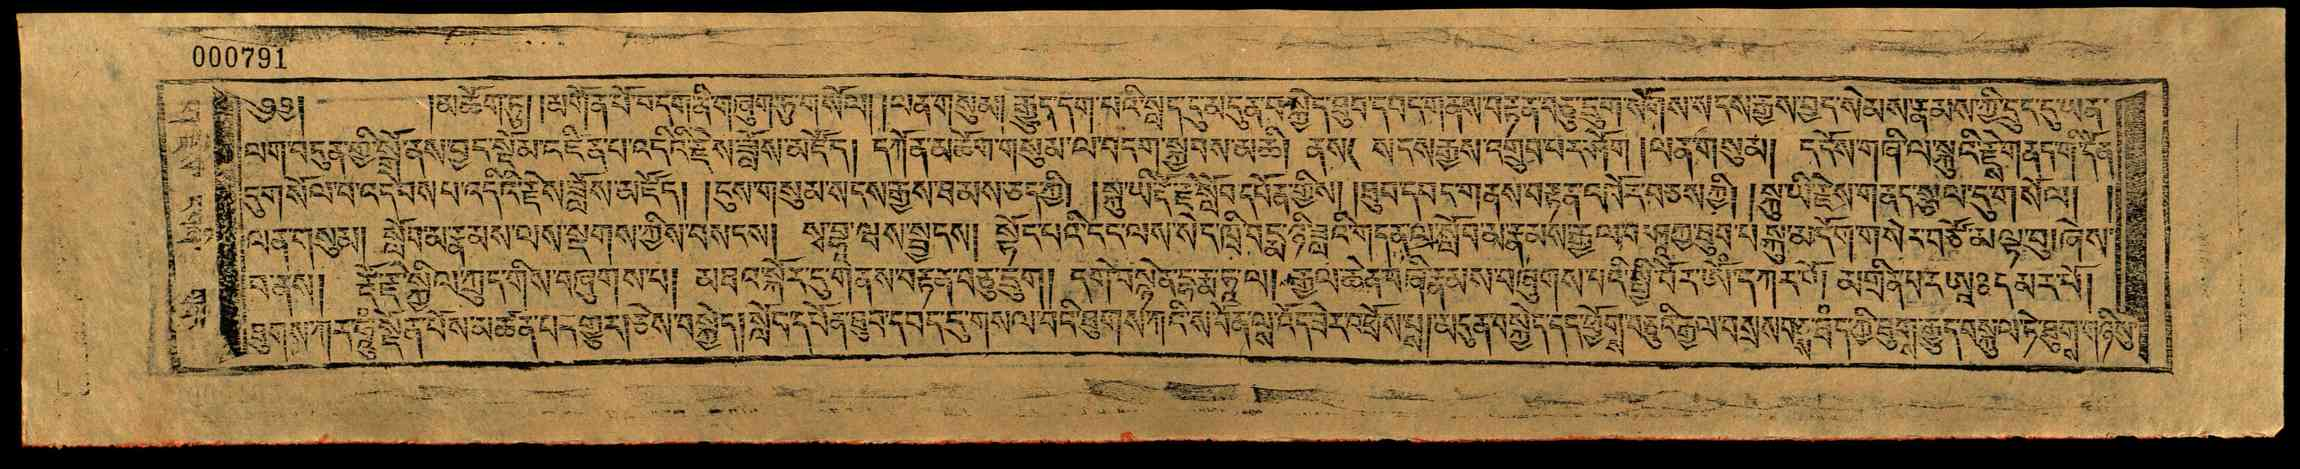༄༅། །མཆོག་ཏུ། །མགོན་པོ་བདག་ནི་གཞུག་ཏུ་གསོལ། །ལན་གསུམ། རྒྱུད་དག་པའི་སླད་དུ་མདུན་བསྐྱེད་ཐུབ་དབང་གནས་བརྟན་བཅུ་དྲུག་སོགས་སངས་རྒྱས་བྱང་སེམས་རྣམས་ཀྱི་དྲུང་དུ་ཡན་
ལག་བདུན་གྱི་སྒོ་ནས་བྱང་སྡོམ་འཛིན་པ་འདིའི་རྗེས་ཟློས་མཛོད། དཀོན་མཆོག་གསུམ་ལ་བདག་སྐྱབས་མཆི། ནས༑ སངས་རྒྱས་འགྲུབ་པར་ཤོག །ལན་གསུམ། དངོས་གཞི་ལ་སྐུའི་རྗེ་གནང་གི་དོན་
དུ་གསོལ་བ་འདེབས་པ་འདིའི་རྗེས་ཟློས་མཛོད། །དུས་གསུམ་སངས་རྒྱས་ཐམས་ཅད་ཀྱི། །སྐུ་ཡི་རྡོ་རྗེ་སློབ་དཔོན་གྱིས། །ཐུབ་དབང་གནས་བརྟན་འཁོར་བཅས་ཀྱི། །སྐུ་ཡི་རྗེས་གནང་སྩལ་དུ་གསོལ། །
ལན་གསུམ། སློབ་མ་རྣམས་ལས་སྔགས་ཀྱིས་བསངས། སྭ་བྷཱ་ཝ་ས་སྦྱངས། སྟོང་པའི་ངང་ལས་སེང་ཁྲི་པདམ་ཉི་ཟླའི་གདན་ལ་སློབ་མ་རྣམས་རྒྱལ་བ་ཤཱཀྱ་ཐུབ་པ་སྐུ་མདོག་གསེར་བཙོ་མ་ལྟ་བུ། ཞེས་
པ་ནས། རྡོ་རྗེ་སྐྱིལ་ཀྲུང་གིས་བཞུགས་པ། མཐའ་སྐོར་དུ་གནས་བརྟན་བཅུ་དྲུག། དགེ་བསྙེན་དྷརྨ་ཏ་ལ། རྒྱལ་ཆེན་བཞི་རྣམས་བཞུགས་པའི་སྤྱི་བོར་ཨོཾ་དཀར་པོ། མགྲིན་པར་ཨཱཿ དམར་པོ།
ཐུགས་ཀར་ཧཱུཾ་སྔོན་པོས་མཚན་པར་གྱུར། ཅེས་བསྐྱེད། སློབ་དཔོན་ཐུབ་དབང་དུ་གསལ་བའི་ཐུགས་ཀའི་ས་བོན་ལས་འོད་ཟེར་འཕྲོས་པས། མདུན་བསྐྱེད་དང་ཕྱོགས་བཅུའི་རྒྱལ་བ་སྲས་བཅས་ཐམས་ཅད་ཀྱི་ཐུགས་རྒྱུད་བསྐུལ་ཏེ་ཐུགས་གཉིས་སུ་